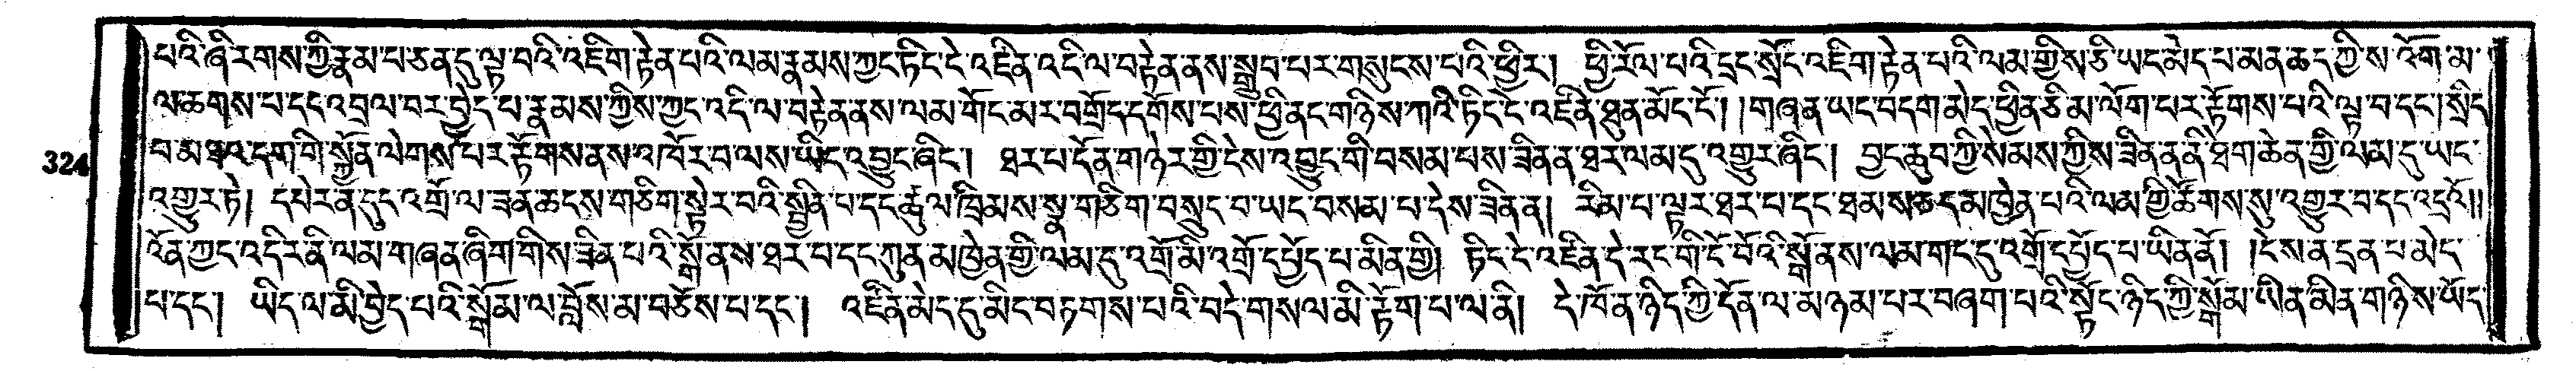པའི་ཞི་རགས་ཀྱི་རྣམ་པ་ཅན་དུ་ལྟ་བའི་འཇིག་རྟེན་པའི་ལམ་རྣམས་ཀྱང་ཏིང་ངེ་འཛིན་འདི་ལ་བརྟེན་ནས་སྒྲུབ་པར་གསུངས་པའི་ཕྱིར། ཕྱི་རོལ་པའི་དྲང་སྲོང་འཇིག་རྟེན་པའི་ལམ་གྱིས་ཅི་ཡང་མེད་པ་མན་ཆད་ཀྱི་ས་འོག་མ་
ལ་ཆགས་པ་དང་འབྲལ་བར་བྱེད་པ་རྣམས་ཀྱིས་ཀྱང་འདི་ལ་བརྟེན་ནས་ལམ་གོང་མར་བགྲོད་དགོས་པས་ཕྱི་ནང་གཉིས་ཀའི་ཏིང་ངེ་འཛིན་ཐུན་མོང་ངོ། །གཞན་ཡང་བདག་མེད་ཕྱིན་ཅི་མ་ལོག་པར་རྟོགས་པའི་ལྟ་བ་དང་། སྲིད་
པ་མཐའ་དག་གི་སྐྱོན་ལེགས་པར་རྟོགས་ནས་འཁོར་བ་ལས་ཡིད་འབྱུང་ཞིང་། ཐར་པ་དོན་གཉེར་གྱི་ངེས་འབྱུང་གི་བསམ་པས་ཟིན་ན་ཐར་ལམ་དུ་འགྱུར་ཞིང་། བྱང་ཆུབ་ཀྱི་སེམས་ཀྱིས་ཟིན་ན་ནི་ཐེག་ཆེན་གྱི་ལམ་དུ་ཡང་
འགྱུར་ཏེ། དཔེར་ན་དུད་འགྲོ་ལ་ཟན་ཆངས་གཅིག་སྟེར་བའི་སྦྱིན་པ་དང་ཚུལ་ཁྲིམས་སྣ་གཅིག་བསྲུང་བ་ཡང་བསམ་པ་དེས་ཟིན་ན། རིམ་པ་ལྟར་ཐར་པ་དང་ཐམས་ཅད་མཁྱེན་པའི་ལམ་གྱི་ཚོགས་སུ་འགྱུར་བ་དང་འདྲའོ། །
འོན་ཀྱང་འདིར་ནི་ལམ་གཞན་ཞིག་གིས་ཟིན་པའི་སྒོ་ནས་ཐར་པ་དང་ཀུན་མཁྱེན་གྱི་ལམ་དུ་འགྲོ་མི་འགྲོ་དཔྱོད་པ་མིན་གྱི། ཏིང་ངེ་འཛིན་དེ་རང་གི་ངོ་བོའི་སྒོ་ནས་ལམ་གང་དུ་འགྲོ་དཔྱོད་པ་ཡིན་ནོ། །དེས་ན་དྲན་པ་མེད་
པ་དང་། ཡིད་ལ་མི་བྱེད་པའི་སྒོམ་ལ་བློས་མ་བཅོས་པ་དང་། འཛིན་མེད་དུ་མིང་བཏགས་པའི་བདེ་གསལ་མི་རྟོག་པ་ལ་ནི། དེ་ཁོ་ན་ཉིད་ཀྱི་དོན་ལ་མཉམ་པར་བཞག་པའི་སྟོང་ཉིད་ཀྱི་སྒོམ་ཡིན་མིན་གཉིས་ཡོད་